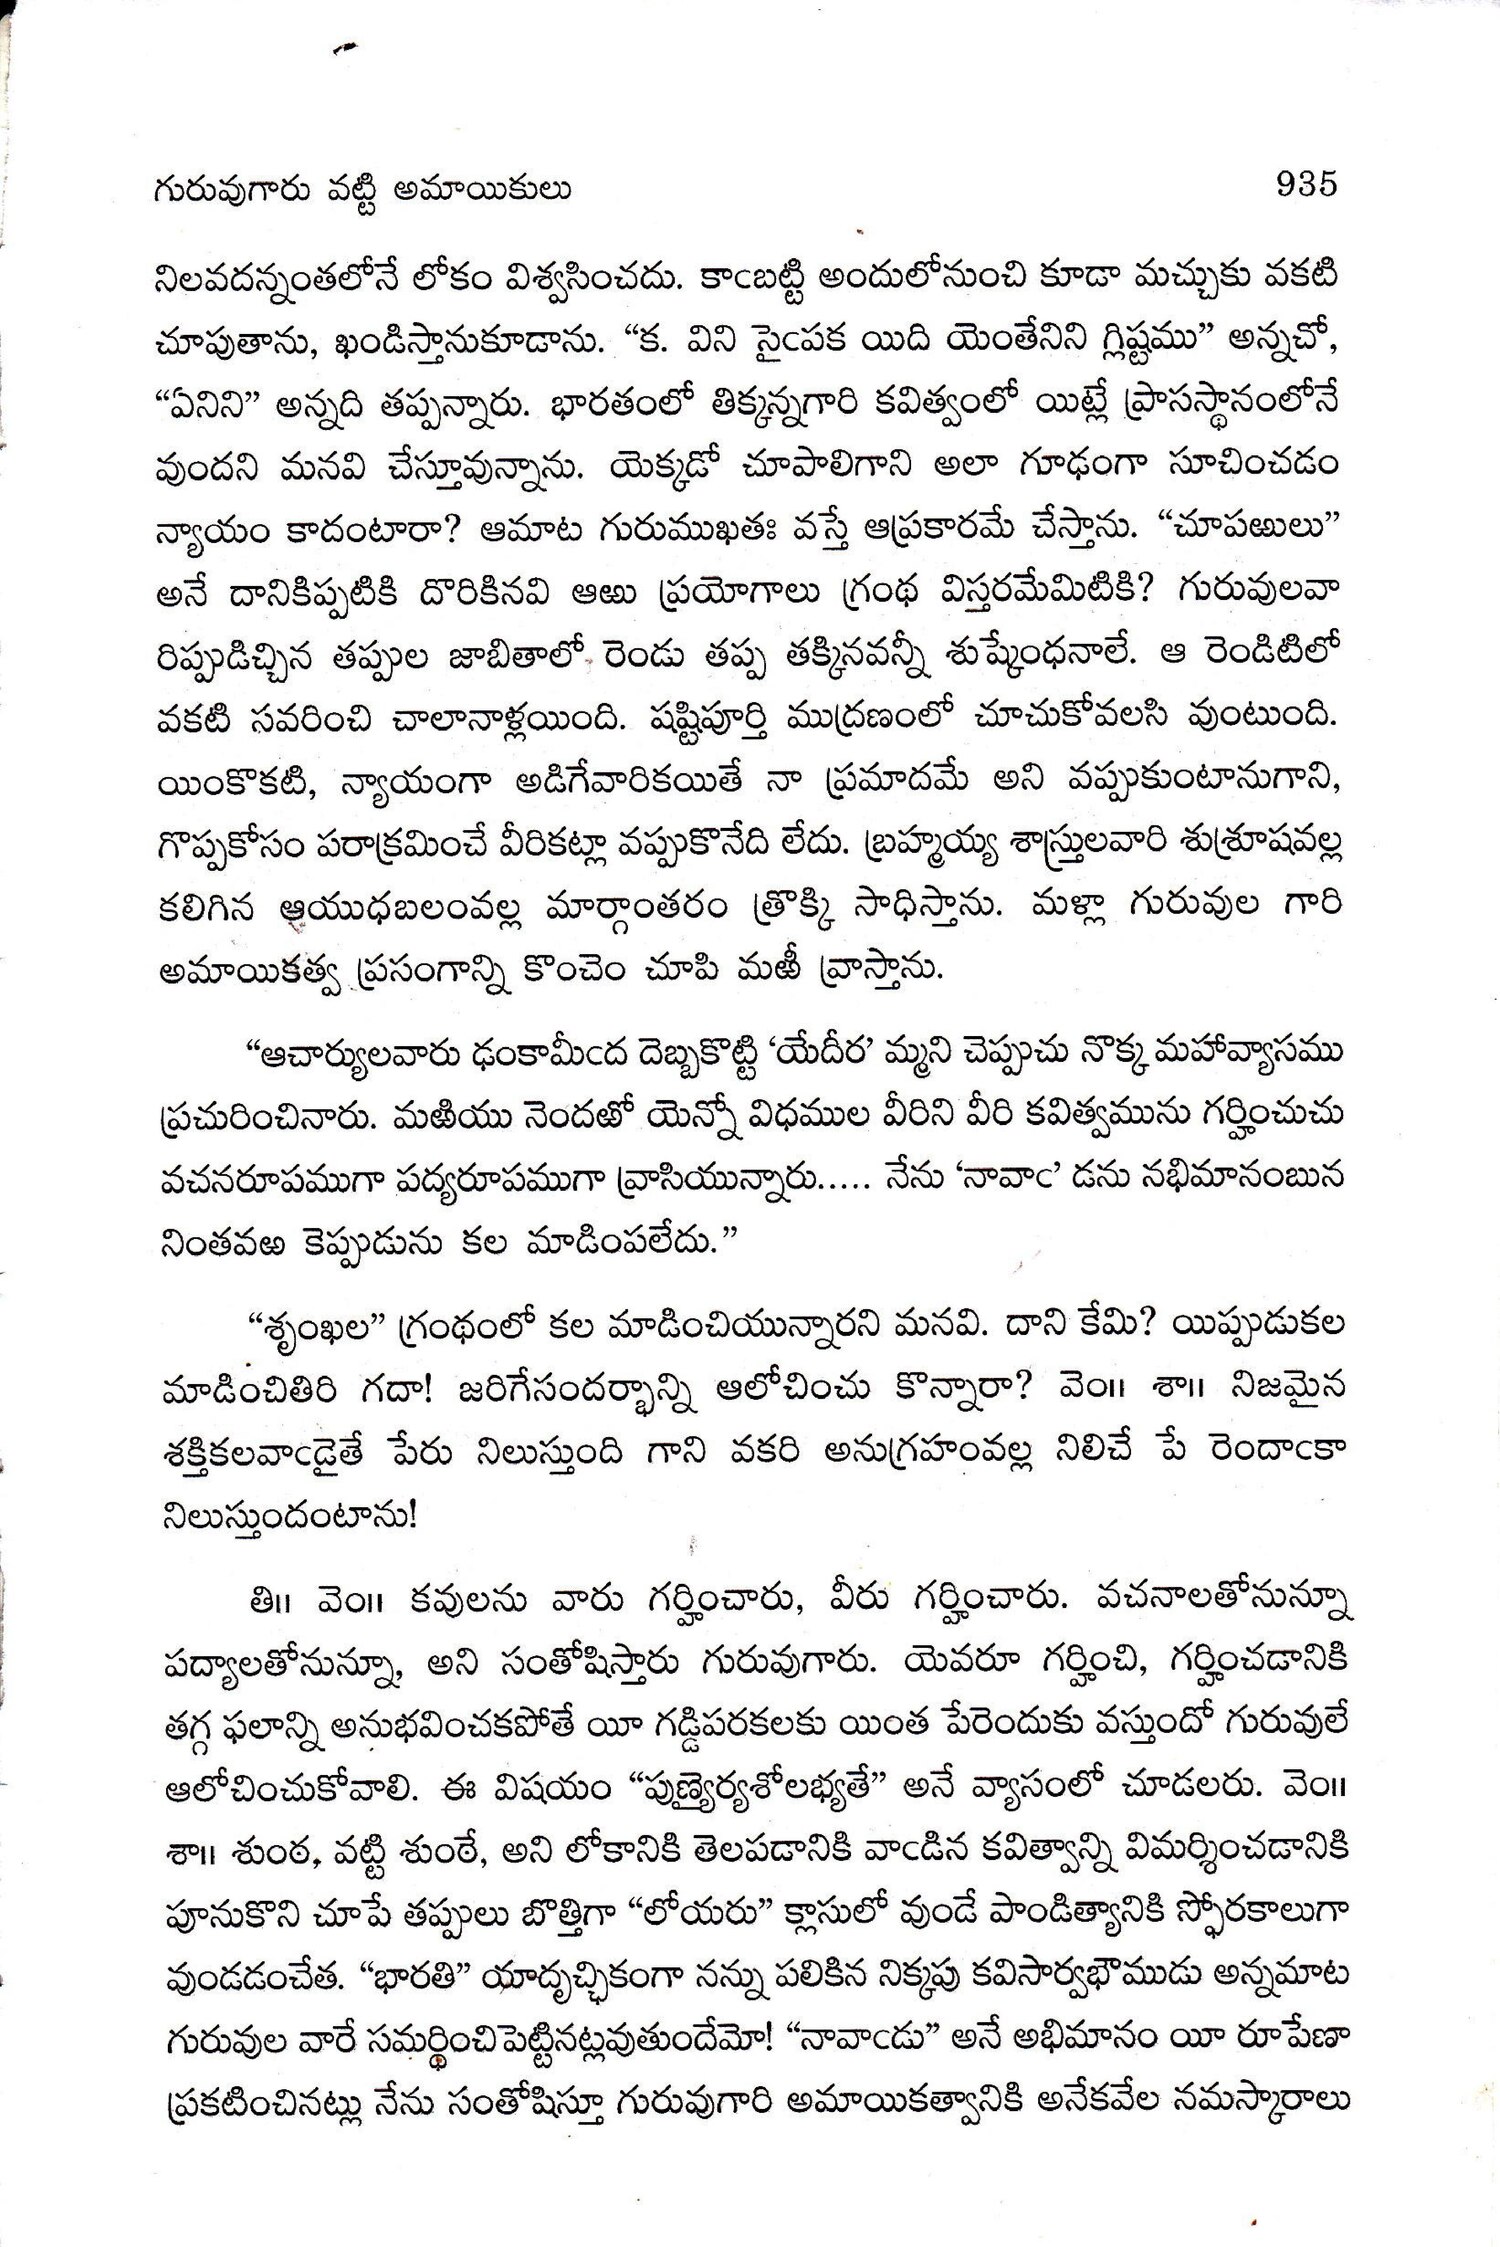నిలవదన్నంతలోనే లోకం విశ్వసించదు. కాఁబట్టి అందులోనుంచి కూడా మచ్చుకు వకటి చూపుతాను, ఖండిస్తానుకూడాను. “క. విని సైఁపక యిది యెంతేనిని గ్లిష్టము" అన్నచో, “ఏనిని" అన్నది తప్పన్నారు. భారతంలో తిక్కన్నగారి కవిత్వంలో యిట్లే ప్రాసస్థానంలోనే వుందని మనవి చేస్తూవున్నాను. యెక్కడో చూపాలిగాని అలా గూఢంగా సూచించడం న్యాయం కాదంటారా? ఆమాట గురుముఖతః వస్తే ఆప్రకారమే చేస్తాను. “చూపఱులు” అనే దానికిప్పటికి దొరికినవి ఆఱు ప్రయోగాలు గ్రంథ విస్తరమేమిటికి? గురువులవా రిప్పుడిచ్చిన తప్పుల జాబితాలో రెండు తప్ప తక్కినవన్నీ శుష్కేంధనాలే. ఆ రెండిటిలో వకటి సవరించి చాలానాళ్లయింది. షష్టిపూర్తి ముద్రణంలో చూచుకోవలసి వుంటుంది. యింకొకటి, న్యాయంగా అడిగేవారికయితే నా ప్రమాదమే అని వప్పుకుంటానుగాని, గొప్పకోసం పరాక్రమించే వీరికట్లా వప్పుకొనేది లేదు. బ్రహ్మయ్య శాస్త్రులవారి శుశ్రూషవల్ల కలిగిన ఆయుధబలంవల్ల మార్గాంతరం త్రోక్కి సాధిస్తాను. మళ్లా గురువుల గారి అమాయికత్వ ప్రసంగాన్ని కొంచెం చూపి మఱీ వ్రాస్తాను. -

“ఆచార్యులవారు ఢంకామీఁద దెబ్బకొట్టి 'యేదీర' మ్మని చెప్పుచు నొక్క మహావ్యాసము ప్రచురించినారు. మఱియు నెందఱో యెన్నో విధముల వీరిని వీరి కవిత్వమును గర్హించుచు వచనరూపముగా పద్యరూపముగా వ్రాసియున్నారు..... నేను 'నావాఁ' డను నభిమానంబున నింతవఱ కెప్పుడును కల మాడింపలేదు.”

"శృంఖల" గ్రంథంలో కల మాడించియున్నారని మనవి. దాని కేమి? యిప్పుడుకల మాడించితిరి గదా! జరిగేసందర్భాన్ని ఆలోచించు కొన్నారా? వెంll శాII నిజమైన శక్తికలవాఁడైతే పేరు నిలుస్తుంది గాని వకరి అనుగ్రహంవల్ల నిలిచే పే రెందాఁకా నిలుస్తుందంటాను! 

తి|| వెం|| కవులను వారు గర్హించారు, వీరు గర్హించారు. వచనాలతోనున్నూ పద్యాలతోనున్నూ, అని సంతోషిస్తారు గురువుగారు. యెవరూ గర్హించి, గర్హించడానికి తగ్గ ఫలాన్ని అనుభవించకపోతే యీ గడ్డిపరకలకు యింత పేరెందుకు వస్తుందో గురువులే ఆలోచించుకోవాలి. ఈ విషయం “పుణ్యైర్యశోలభ్యతే" అనే వ్యాసంలో చూడలరు. వెంll శా|| శుంఠ, వట్టి శుంఠే, అని లోకానికి తెలపడానికి వాఁడిన కవిత్వాన్ని విమర్శించడానికి పూనుకొని చూపే తప్పులు బొత్తిగా "లోయరు" క్లాసులో వుండే పాండిత్యానికి స్ఫోరకాలుగా వుండడంచేత, “భారతి" యాదృచ్ఛికంగా నన్ను పలికిన నిక్కపు కవిసార్వభౌముడు అన్నమాట గురువుల వారే సమర్థించిపెట్టినట్లవుతుందేమో! “నావాఁడు” అనే అభిమానం యీ రూపేణా ప్రకటించినట్లు నేను సంతోషిస్తూ గురువుగారి అమాయికత్వానికి అనేకవేల నమస్కారాలు